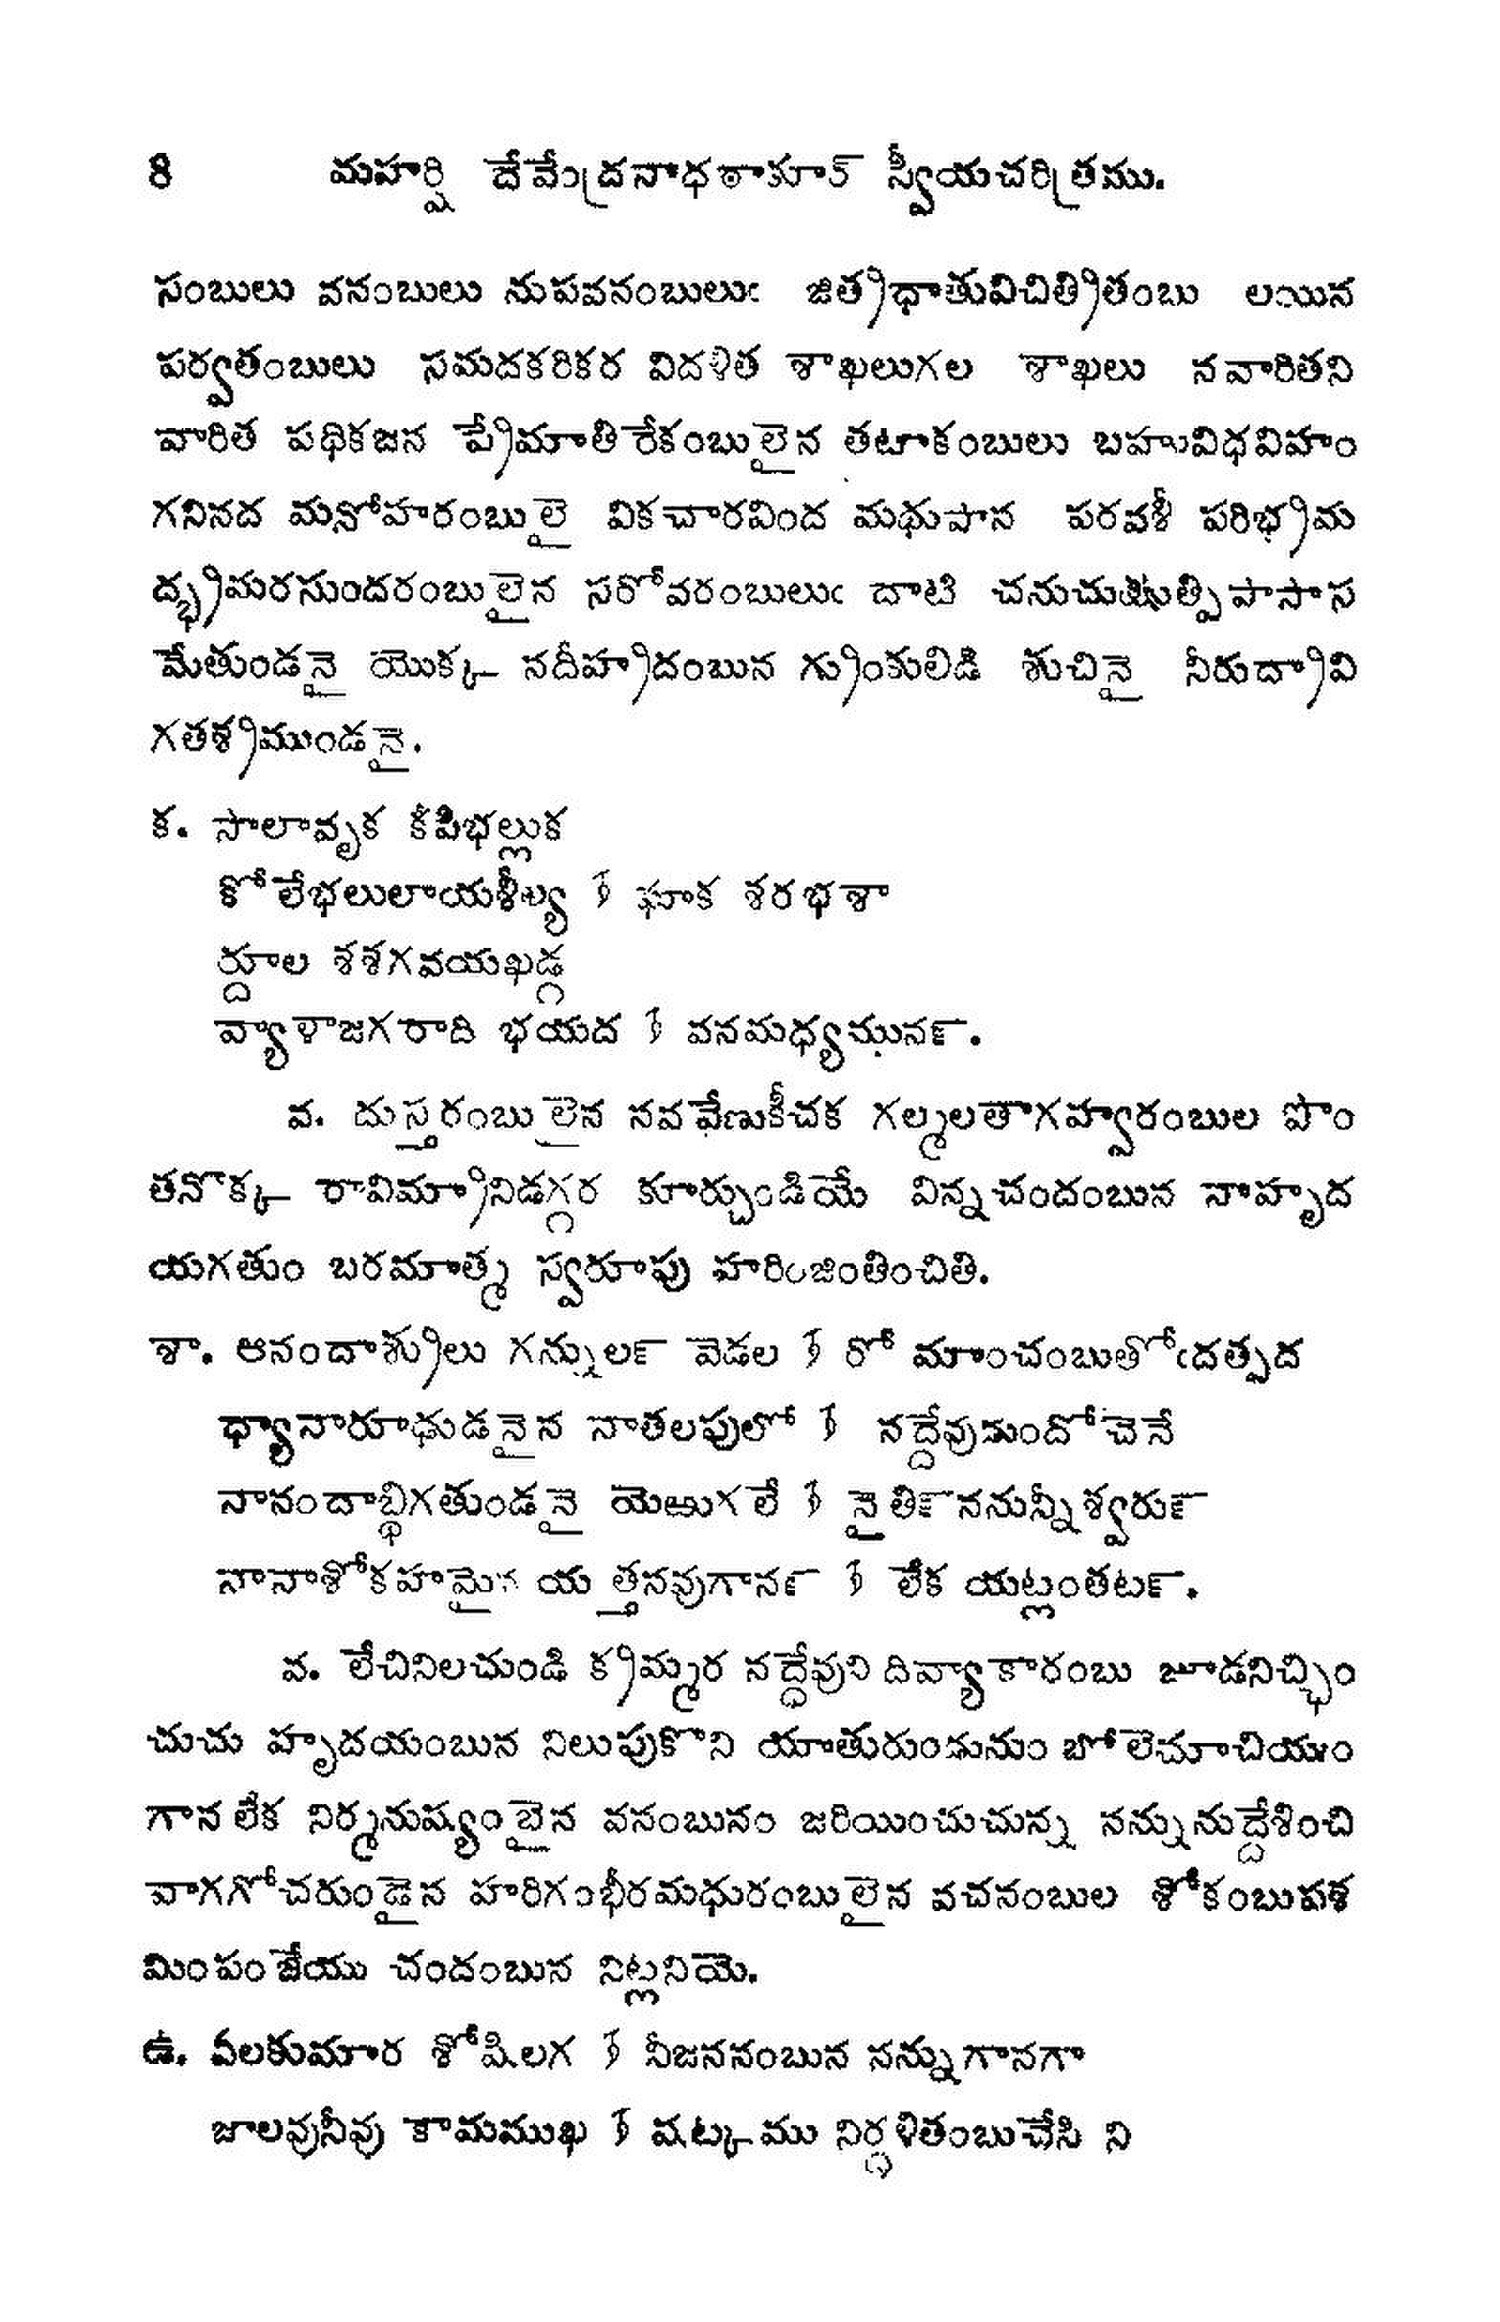సంబులు వనంబులు నుపవనంబులు: జిత్రధాతువిచిత్రతంబులయిన పర్వతంబులు సమదకరికర విదళిత శాఖలుగల 'శాఖలు నవారితని వారిత పథిక జన ప్రేమాతి రేకంబు లైన తటాకంబులు బహువిధ విహంగనినద మనోహరంబులై వికచారవింద మధుపాన పరవళీ పరిశ్రమ దమరసుందరంబులైన సరోవరంబులుఁ దాటి చనుచుకుత్పిపాసాస మేతుండనై యొక్క నదీ హ్రదంబున గ్రుంగుంకులిడి శుచినై నీరు ద్రావిదాని గతశ్రళముండనై. 

క. సాలావృక కపిభల్లుక 
కోలేభలులాయశీల్య భూక శరభశా 
ర్ధూల శశగవయఖడ్గ 
వ్యాళాజగరాది భయద వనమధ్యమునన్

వ. దుస్తరంబు లైన నవవేణు కీచక గల్మల తాగహ్వరంబుల పొంతనొక్క రావిమా నిదగ్గగర కూర్చుండియే విన్న చందంబున నాహృదయగతుం బరమాత్మ స్వరూపు హరింజింతించితి. 

శా. ఆనందాశులు గన్నుల వెడల రో మాంచంబుతోఁదత్పద
ధ్యానారూడుడనైన నాతలపులో నడ్డేవుకుందోచెనే 
నానం ద్ఫాగతుండ నై యెఱగలే నైతికొననున్నీ శ్వరున్? 
నానాశోకహమైన య త్తనవుగానన్| లేక యట్లంతటన్.

వ. లేచినిలచుండి క్రమ్మర నద్దేవుని దివ్యాకారంబు జూడనిచ్ఛించుచు హృదయంబున నిలుపుకొని యాతురుండునుం బోలేచూచియం గాన లేక నిర్మనుష్యం బైన వనంబునం జరియించుచున్న నన్నునుద్దేశించి వాగగోచరుండైన హరిగంభీర మధురంబులైన వచనంబుల శోకంబువశర మింపం జేయు చందంబున నిట్లనియె.

ఉ. వలకుమార శోషిలగ , నీజననంబున నన్ను గానగా 
జాలవునీవు కామముఖ షట్కము నిరళితంబుచేసిని